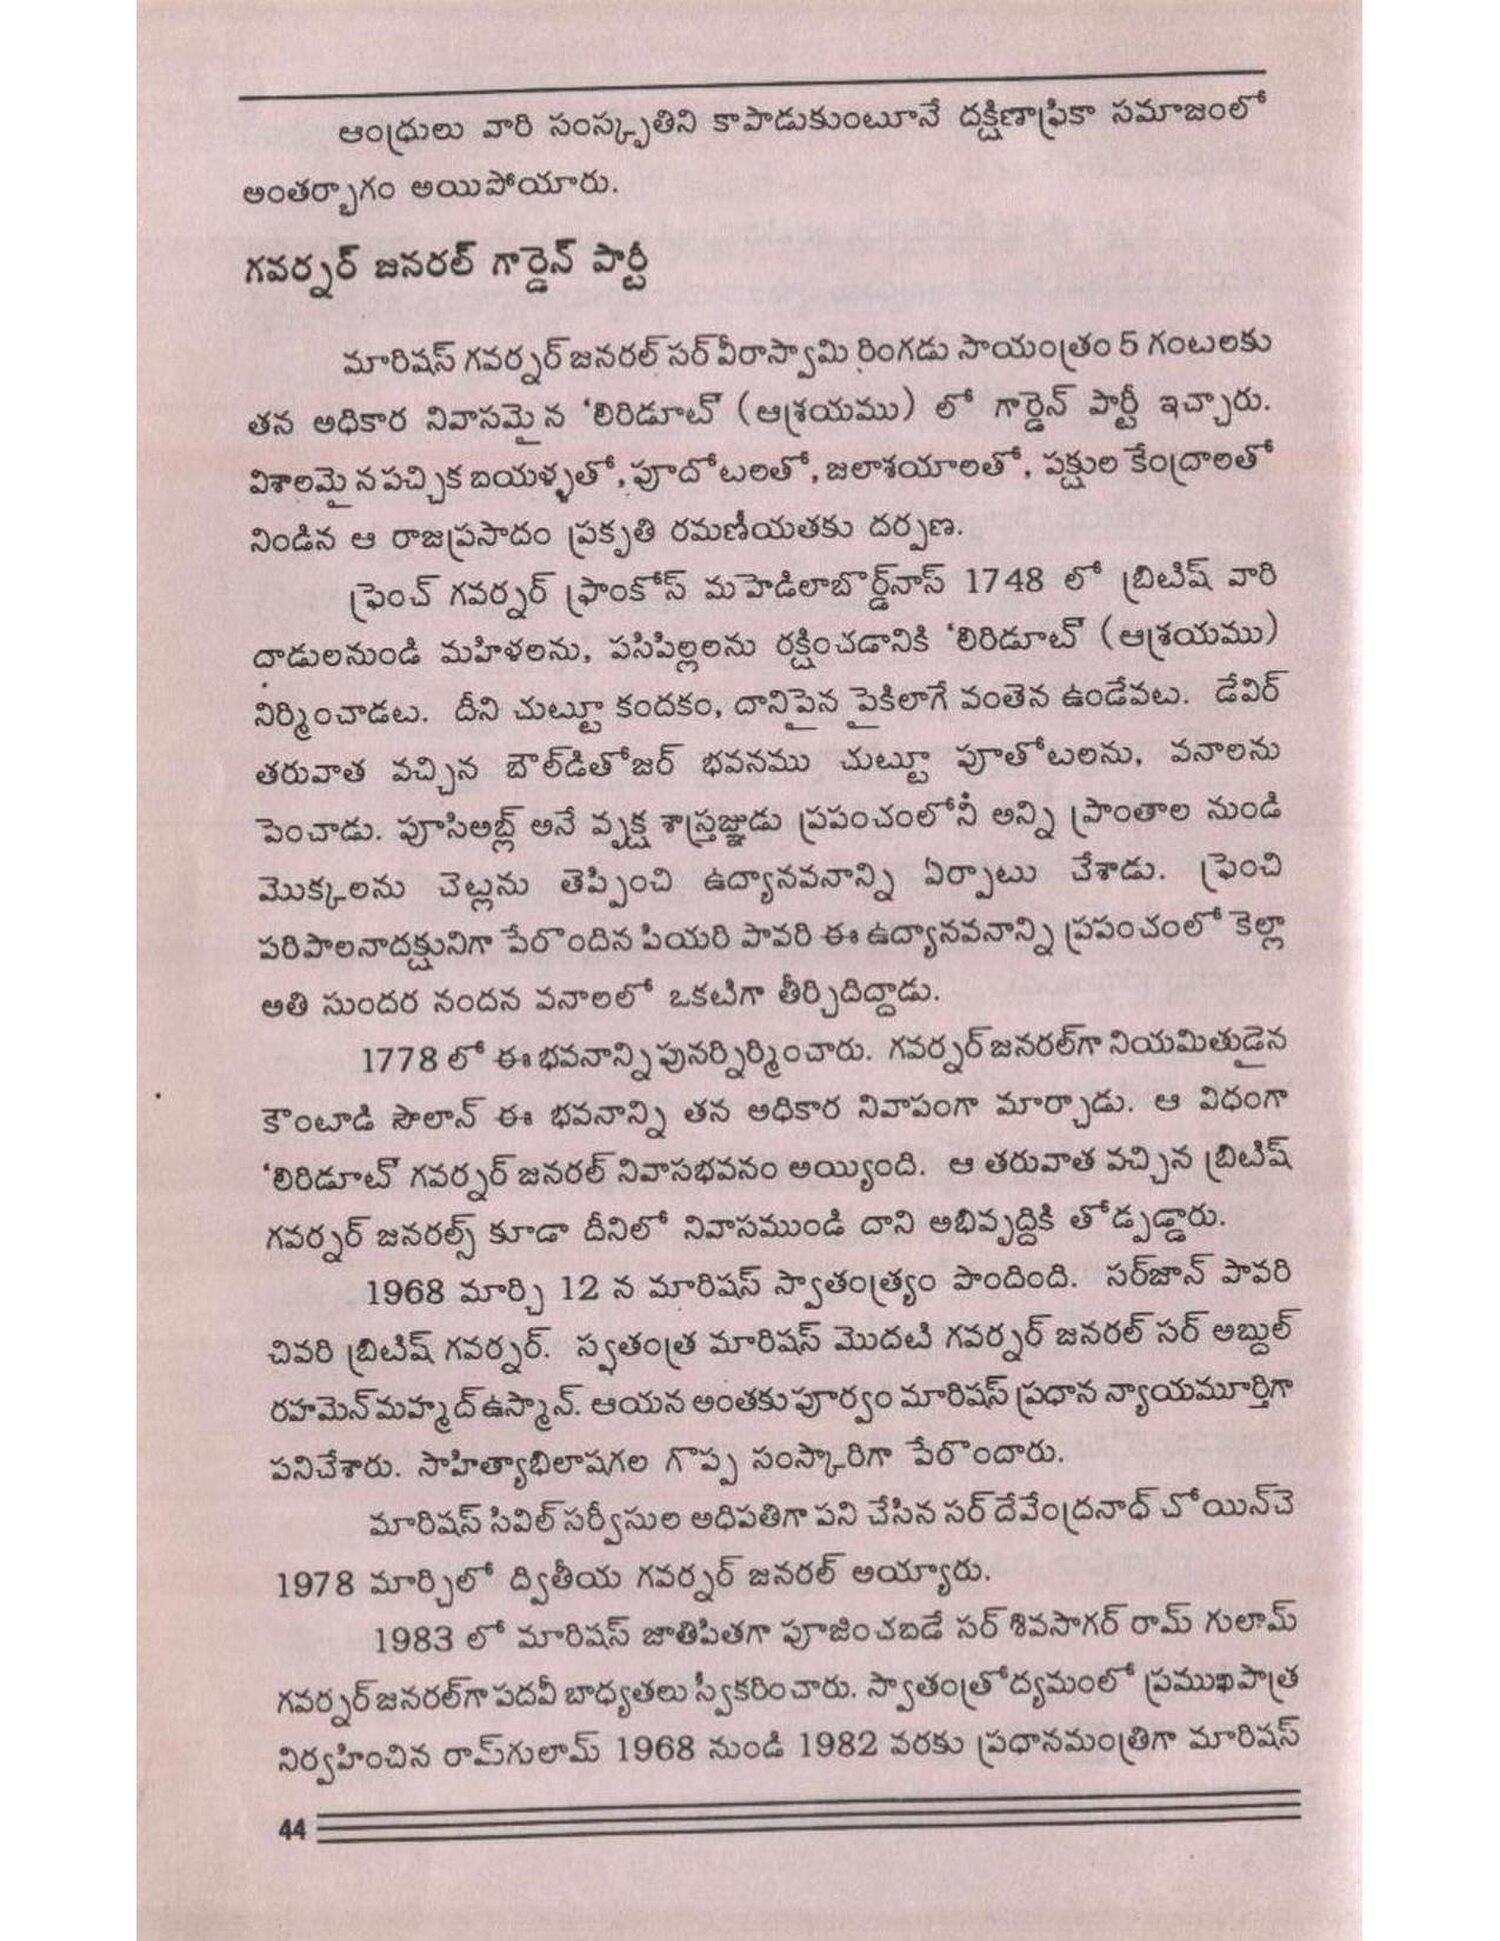ఆంధ్రులు వారి సంస్కృతిని కాపాడుకుంటూనే దక్షిణాఫ్రికా సమాజంలో అంతర్భాగం అయిపోయారు.

గవర్నర్ జనరల్ గార్డెన్ పార్టీ

మారిషస్ గవర్నర్ జనరల్ సర్‌వీరాస్వామి రింగడు సాయంత్రం 5 గంటలకు తన అధికార నివాసమైన లిరిడూట్ (ఆశ్రయము) లో గార్డెన్ పార్టీ ఇచ్చారు. విశాలమైన పచ్చిక బయళ్ళతో, పూదోటలతో, జలాశయాలతో, పక్షుల కేంద్రాలతో నిండిన ఆ రాజప్రసాదం ప్రకృతి రమణీయతకు దర్పణ.

ఫ్రెంచ్ గవర్నర్ ప్రాంకోస్ మహెడిలాబొర్డ్‌నాస్ 1748 లో బ్రిటిష్ వారి దాడులనుండి మహిళలను, పసిపిల్లలను రక్షించడానికి లిరిడూట్ (ఆశ్రయము) నీర్మించాడట. దీని చుట్టూ కందకం, దానిపైన పైకిలాగే వంతెన ఉండేవట. డేవిర్ తరువాత వచ్చిన బౌల్‌డితోజర్ భవనము చుట్టూ పూతోటలను, వనాలను పెంచాడు. పూసిఅబ్ల్ అనే వృక్ష శాస్త్రజ్ఞుడు ప్రపంచంలోనీ అన్ని ప్రాంతాల నుండి మొక్కలను చెట్లను తెప్పించి ఉద్యానవనాన్ని ఏర్పాటు చేశాడు. ఫ్రెంచి పరిపాలనాదక్షునిగా పేరొందిన పియరి పావరి ఈ ఉద్యానవనాన్ని ప్రపంచంలో కెల్లా అతి సుందర నందన వనాలలో ఒకటిగా తీర్చిదిద్దాడు.

1778 లో ఈ భవనాన్ని పునర్నిర్మించారు. గవర్నర్ జనరల్‌గా నియమితుడైన కౌంటాడి సౌలాన్ ఈ భవనాన్ని తన అధికార నివాసంగా మార్చాడు. ఆ విధంగా "లిరిడూట్ గవర్నర్ జనరల్ నివాసభవనం అయ్యింది. ఆ తరువాత వచ్చిన బ్రిటిష్ గవర్నర్ జనరల్స్ కూడా దీనిలో నివాసముండి దాని అభివృద్దికి తోడ్పడ్డారు.

1968 మార్చి 12 న మారిషస్ స్వాతంత్ర్యం పొందింది. సర్‌జాన్ పావరి చివరి బ్రిటిష్ గవర్నర్ స్వతంత్ర మారిషస్ మొదటి గవర్నర్. జనరల్ సర్ అబ్దుల్ రహమెన్ మహ్మద్ ఉస్మాన్. ఆయన అంతకు పూర్వం మారిషస్ ప్రధాన న్యాయమూర్తిగా పనిచేశారు. సాహిత్యాభిలాషగల గొప్ప సంస్కారిగా పేరొందారు.

మారిషస్ సివిల్ సర్వీసుల అధిపతిగా పని చేసిన సర్ దేవేంద్రనాథ్ చోయిన్‌చె 1978 మార్చిలో ద్వితీయ గవర్నర్ జనరల్ అయ్యారు.

1983 లో మారిషస్ జాతిపితగా పూజించబడే సర్ శివసాగర్ రామ్ గులామ్ గవర్నర్‌జనరల్‌గా పదవీ బాధ్యతలు స్వీకరించారు. స్వాతంత్రోద్యమంలో ప్రముఖపాత్ర నిర్వహించిన రామ్‌గులామ్ 1968 నుండి 1982 వరకు ప్రధానమంత్రిగా మారిషస్